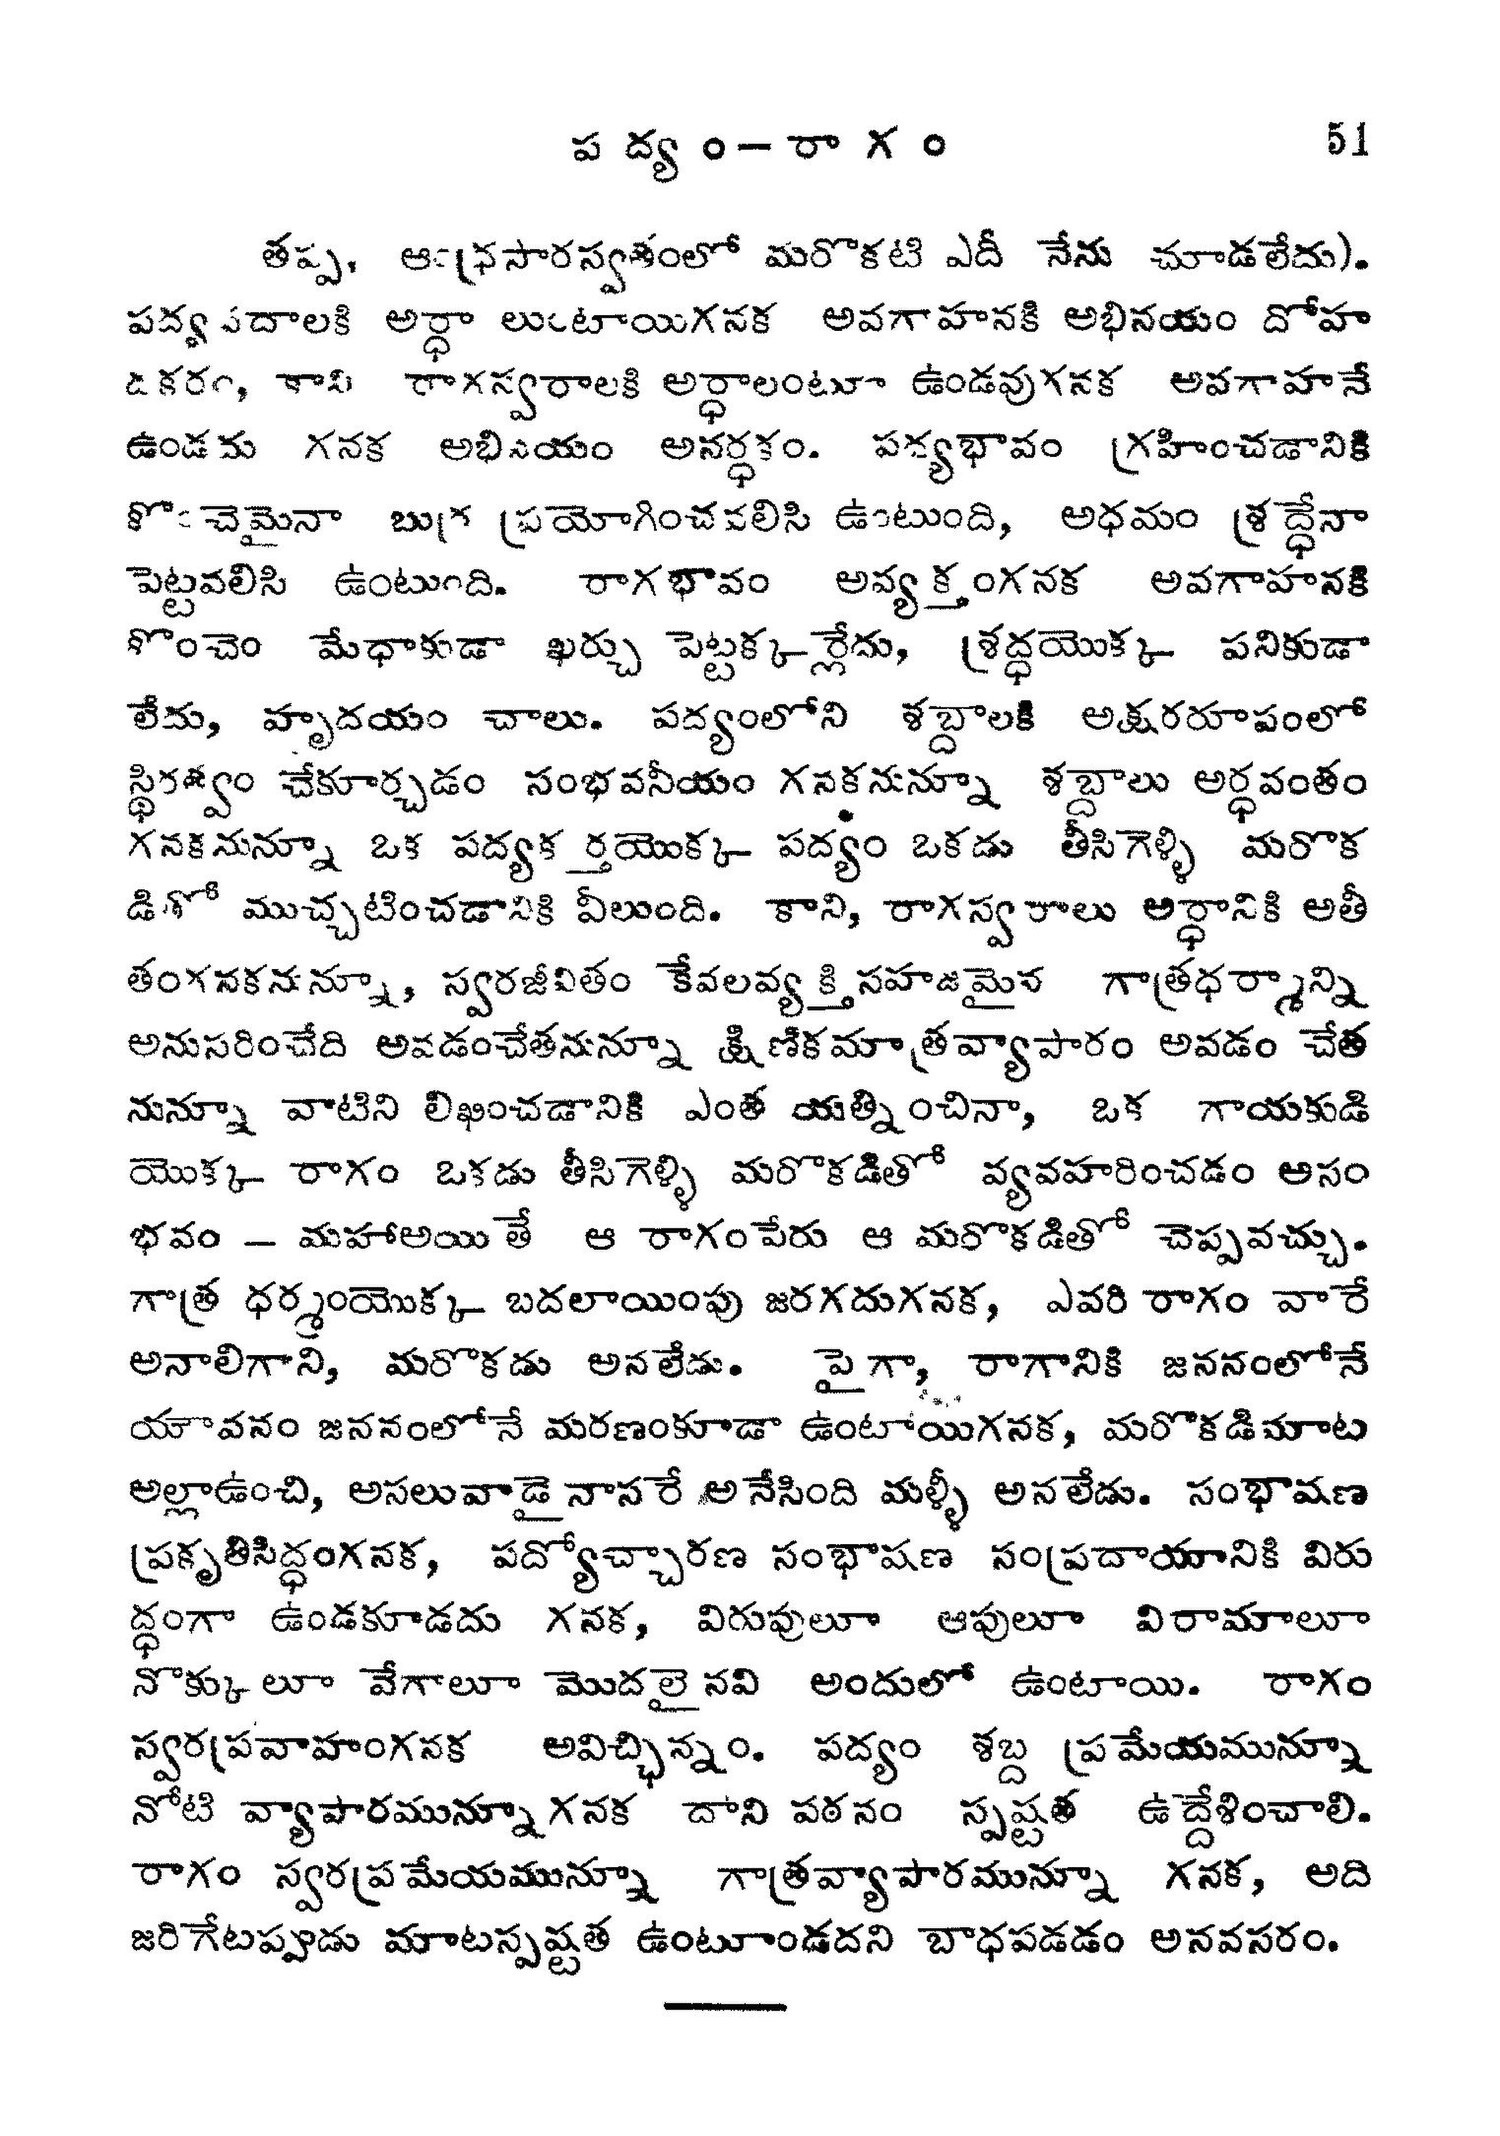తప్ప, ఆంధ్రసారస్వతంలో మరొకటి ఎదీ నేను చూడలేదు).
పద్యపదాలకి అర్ధా లుంటాయిగనక అవగాహనకి అభినయం దోహ
దకరం, కాని రాగస్వరాలకి అర్ధాలంటూ ఉండవుగనక అవగాహనే
ఉండదు గనక అభినయం అనర్ధకం. పద్యభావం గ్రహించడానికి
కొంచెమైనా బుర్ర ప్రయోగించవలిసి ఉంటుంది, అధమం శ్రద్ధేనా
పెట్టవలిసి ఉంటుంది. రాగభావం అవ్యక్తంగనక అవగాహనకి
కొంచెం మేధాకుడా ఖర్చు పెట్టక్కర్లేదు, శ్రద్ధయొక్క పనికుడా
లేదు, హృదయం చాలు. పద్యంలోని శబ్దాలకి అక్షరరూపంలో
స్థిరత్వం చేకూర్చడం సంభవనీయం గనకనున్నూ శబ్దాలు అర్ధవంతం
గనకనున్నూ ఒక పద్యకర్తయొక్క పద్యం ఒకడు తీసిగెళ్ళి మరొక
డితో ముచ్చటించడానికి వీలుంది. కాని, రాగస్వరాలు అర్ధానికి అతీ
తంగనకనున్నూ, స్వరజీవితం కేవలవ్య క్తిసహజమైన గాత్రధర్మాన్ని
అనుసరించేది అవడంచేతనున్నూ క్షిణికమాత్రవ్యాపారం అవడం చేత
నున్నూ వాటిని లిఖించడానికి ఎంత యత్నించినా, ఒక గాయకుడి
యొక్క రాగం ఒకడు తీసిగెళ్ళి మరొకడితో వ్యవహరించడం అసం
భవం - మహాఅయితే ఆ రాగంపేరు ఆ మరొకడితో చెప్పవచ్చు.
గాత్ర ధర్మంయొక్క బదలాయింపు జరగదుగనక, ఎవరి రాగం వారే
అనాలిగాని, మరొకడు అనలేడు. పైగా, రాగానికి జననంలోనే
యౌవనం జననంలోనే మరణంకూడా ఉంటాయిగనక, మరొకడిమాట
అల్లాఉంచి, అసలువాడైనాసరే అనేసింది మళ్ళీ అనలేడు. సంభాషణ
ప్రకృతిసిద్ధంగనక, పద్యోచ్చారణ సంభాషణ సంప్రదాయానికి విరు
ద్ధంగా ఉండకూడదు గనక, విరుపులూ ఆపులూ విరామాలూ
నొక్కులూ వేగాలూ మొదలైనవి అందులో ఉంటాయి. రాగం
స్వరప్రవాహంగనక అవిచ్ఛిన్నం. పద్యం శబ్ద ప్రమేయమున్నూ
నోటి వ్యాపారమున్నూగనక దాని పఠనం స్పష్టత ఉద్దేశించాలి.
రాగం స్వరప్రమేయమున్నూ గాత్రవ్యాపారమున్నూ గనక, అది
జరిగేటప్పుడు మాటస్పష్టత ఉంటూండదని బాధపడడం అనవసరం.